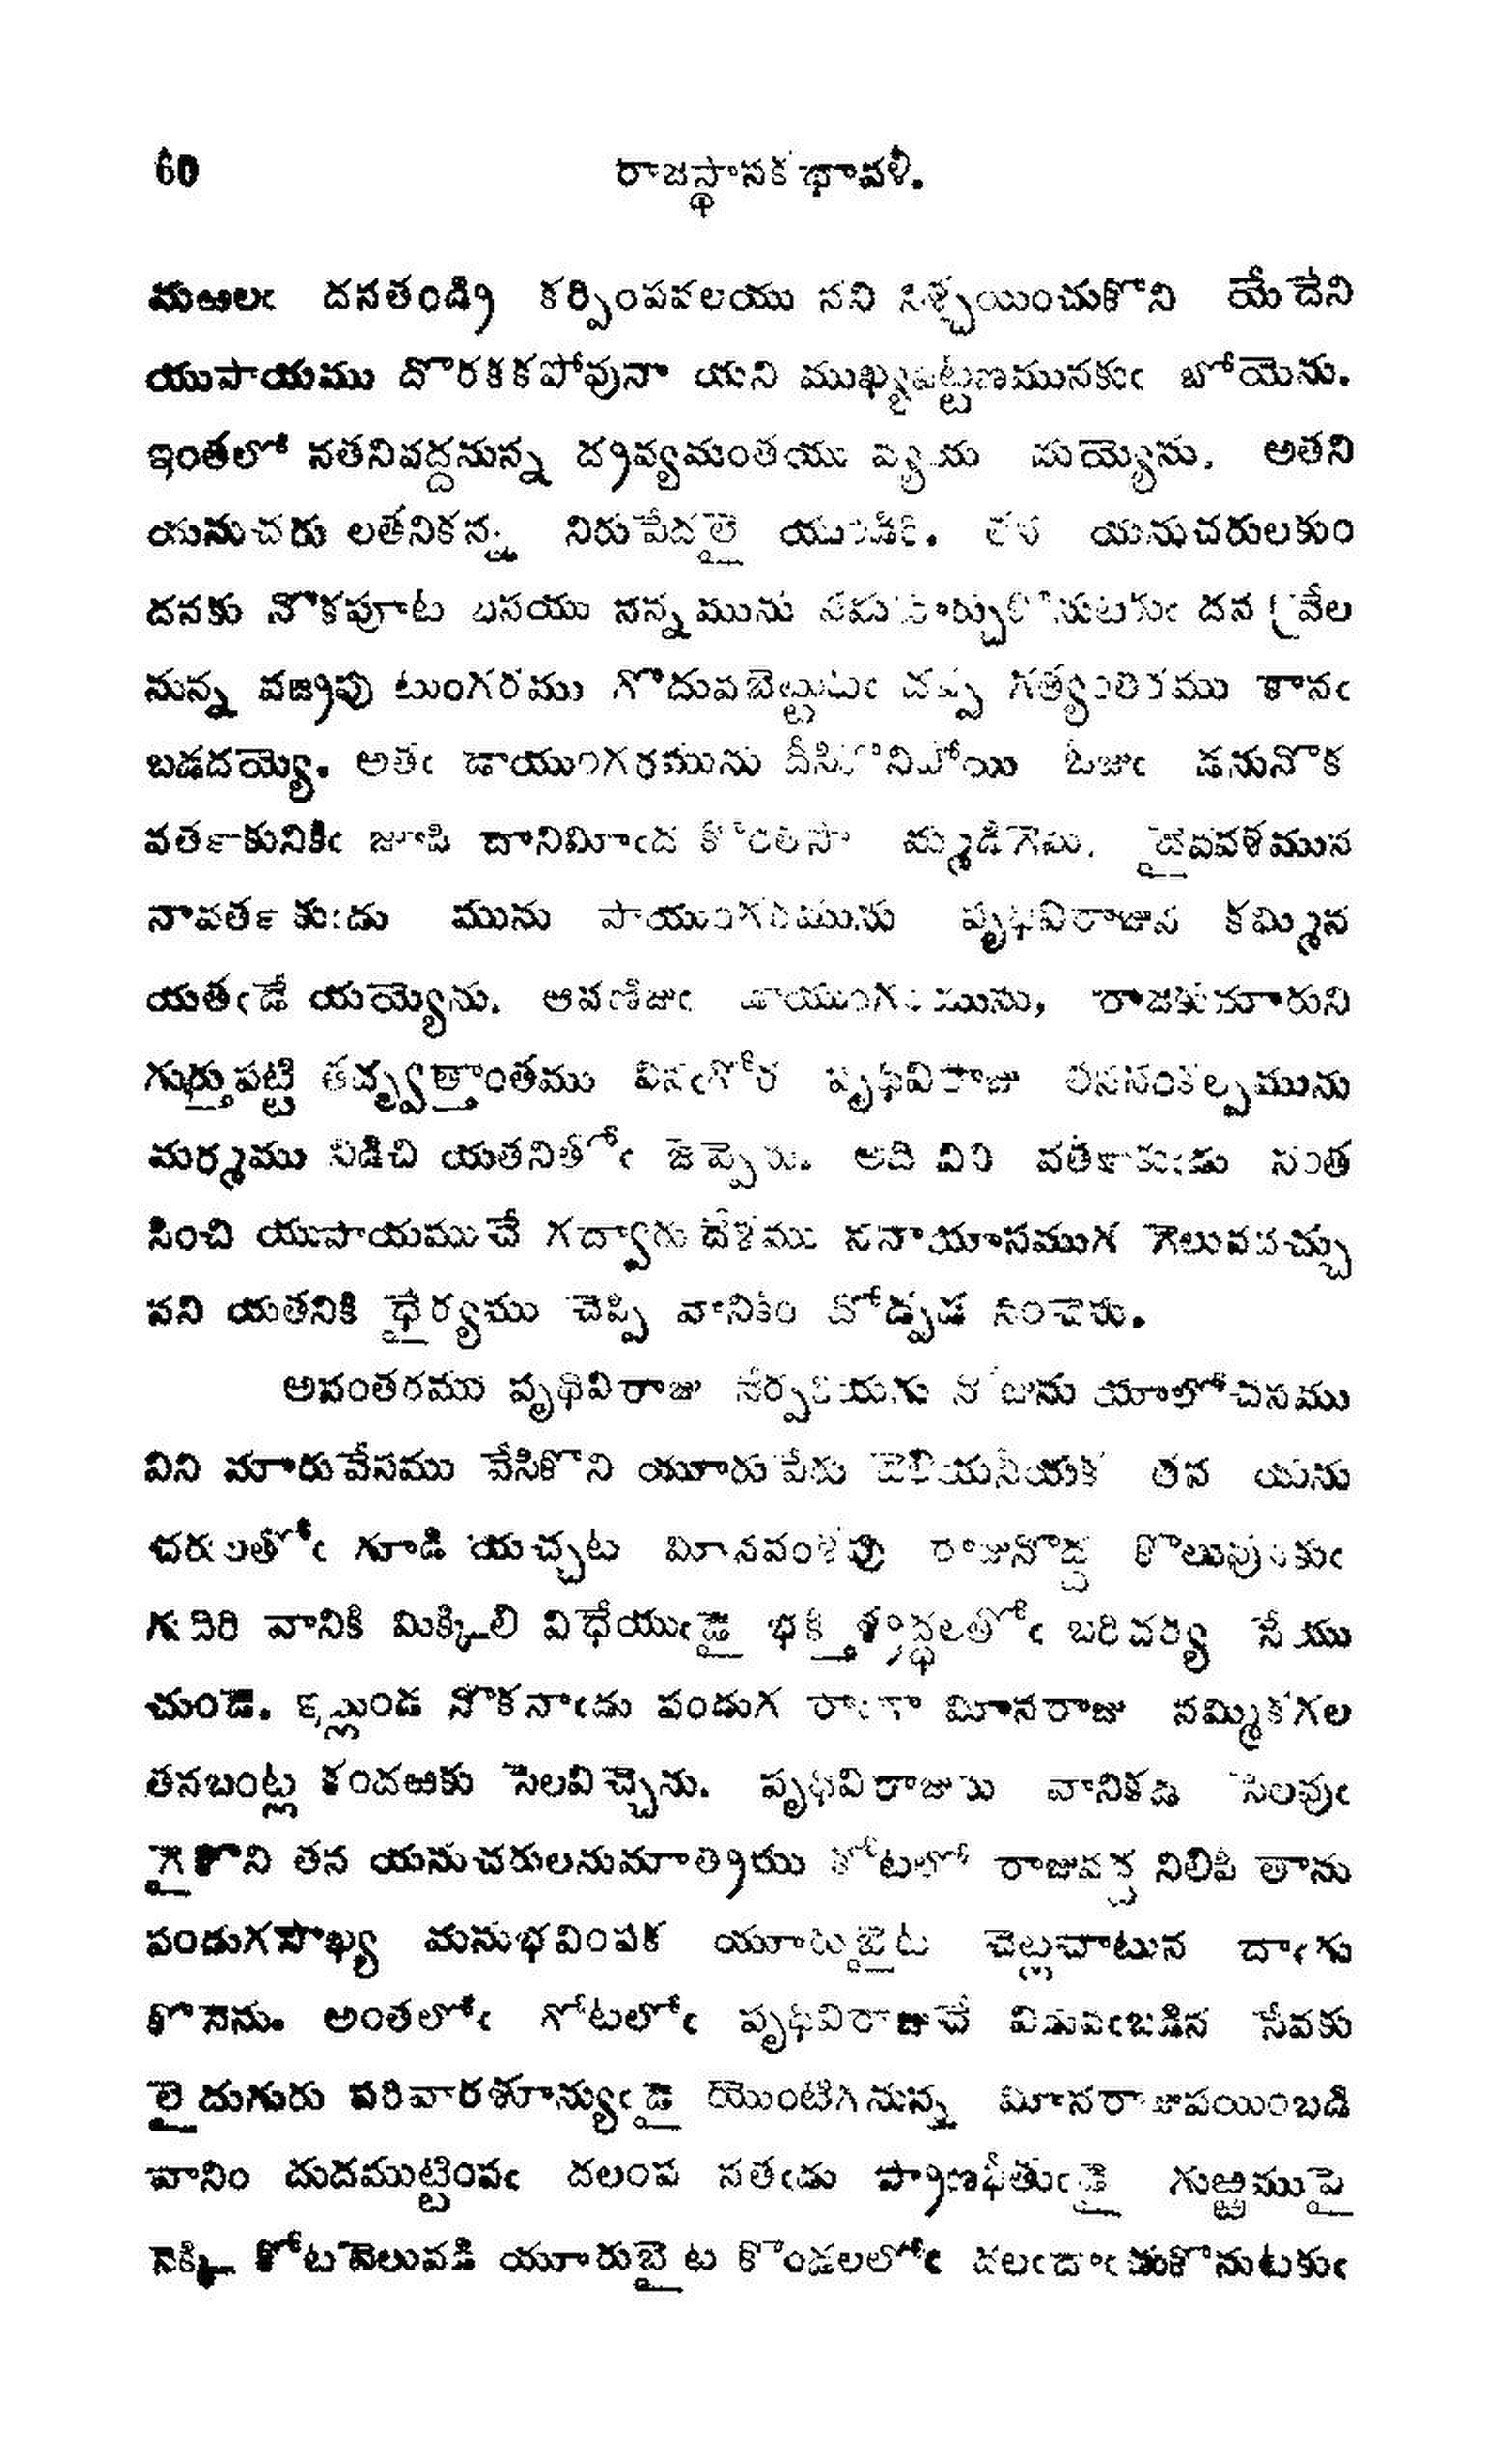మఱలఁ దనతండ్రి కర్పింపవలయు నని నిశ్చయించుకోని యేదేని యుపాయము దొరకకపోవునా యని ముఖ్య పట్టణమునకుఁ బోయెను.
ఇంతలో నతనివద్దనున్న దవ్యమంతయు వ్యయ మయ్యెను, అతని యనుచరు లతనికన్న నిరుపేదలై యుండిరి. తన యనుచరులకుం
దనకు నొకపూట బసయు నన్నమును సమకూర్చుకోనుటకుఁ దన వ్రేలనున్న వజ్రపు టుంగరము గొదువ బెట్టుటఁ దప్ప గత్యంతరము కానఁ
బడదయ్యె. అతఁ డాయుంగరమును దీసికోని.బోయి ఓజుఁ డనునొక వత౯ కునికిఁ జూపి దానిమీఁది కోంతసోమ్మడి గెను. దైవవశమున నావత౯కుఁడు మును పాయుంగరమును పృధివి రాజున కమ్మిన యతఁడే యయ్యెను. ఆవణీజుఁ డాయుంగరమును, 'రాజకుమారుని
గుర్తు పట్టి తవ్వత్తాంతము వినఁగోర పృధివి రాజు తనసంకల్పమును మర్మము విడిచి యతనితో జెప్పెను. అది విని వతకాకుండు సంత
సించి యుపాయము చే గద్వారు దేశము ననాయాసముగ గెలువవచ్చునని యతనికి ధైర్యము చెప్పి వానికిం దోడ్పడ నెంచెను.

అనంతరము పృథివి రాజు నేర్పరియగు నోజును యాలోచనము విని మారువేసము వేసికొని యూరుపేరు దెలియనీయక తన యను
చరులతో గూడి యచ్చట మీనవంశపు రాజు నోద్ద కొలుపునకుఁ గుదిరి వానికి మిక్కిలి విధేయుఁడై 'భక్తి శ్రద్దలతో బరిచర్య సేయు
చుండె. ఇట్లుండ నొకనాడు పండుగ రాఁగా మీన రాజు నమ్మిక గల తనబంట్ల కందఱకు సెలవి చ్చెను. పృధివి రాజును వానికడ సెలవుఁ
గైకోని తన యనుచరులను మాత్రము కోటలో రాజువద్ద నిలిపి తాను పండుగ సౌఖ్య మనుభవింపక యూరు బైట చెట్లచాటున దాఁగు
కొనెను. అంతలో, గోటలోఁ పృధివిరాజుచే విడువఁబడిన 'సేవకు లైదుగురు పరివారశూన్యుఁడై యొంటిగ నున్న మీనరాజుపయింబడి
వానిం దుదముట్టింపఁ దలంప నతఁడు ప్రాణభీతుఁడై గుఱ్ఱము పై నెక్కి కోట వెలువడి యూరుబైట కొండలలో దలఁదాఁచుకోనుటకుఁ